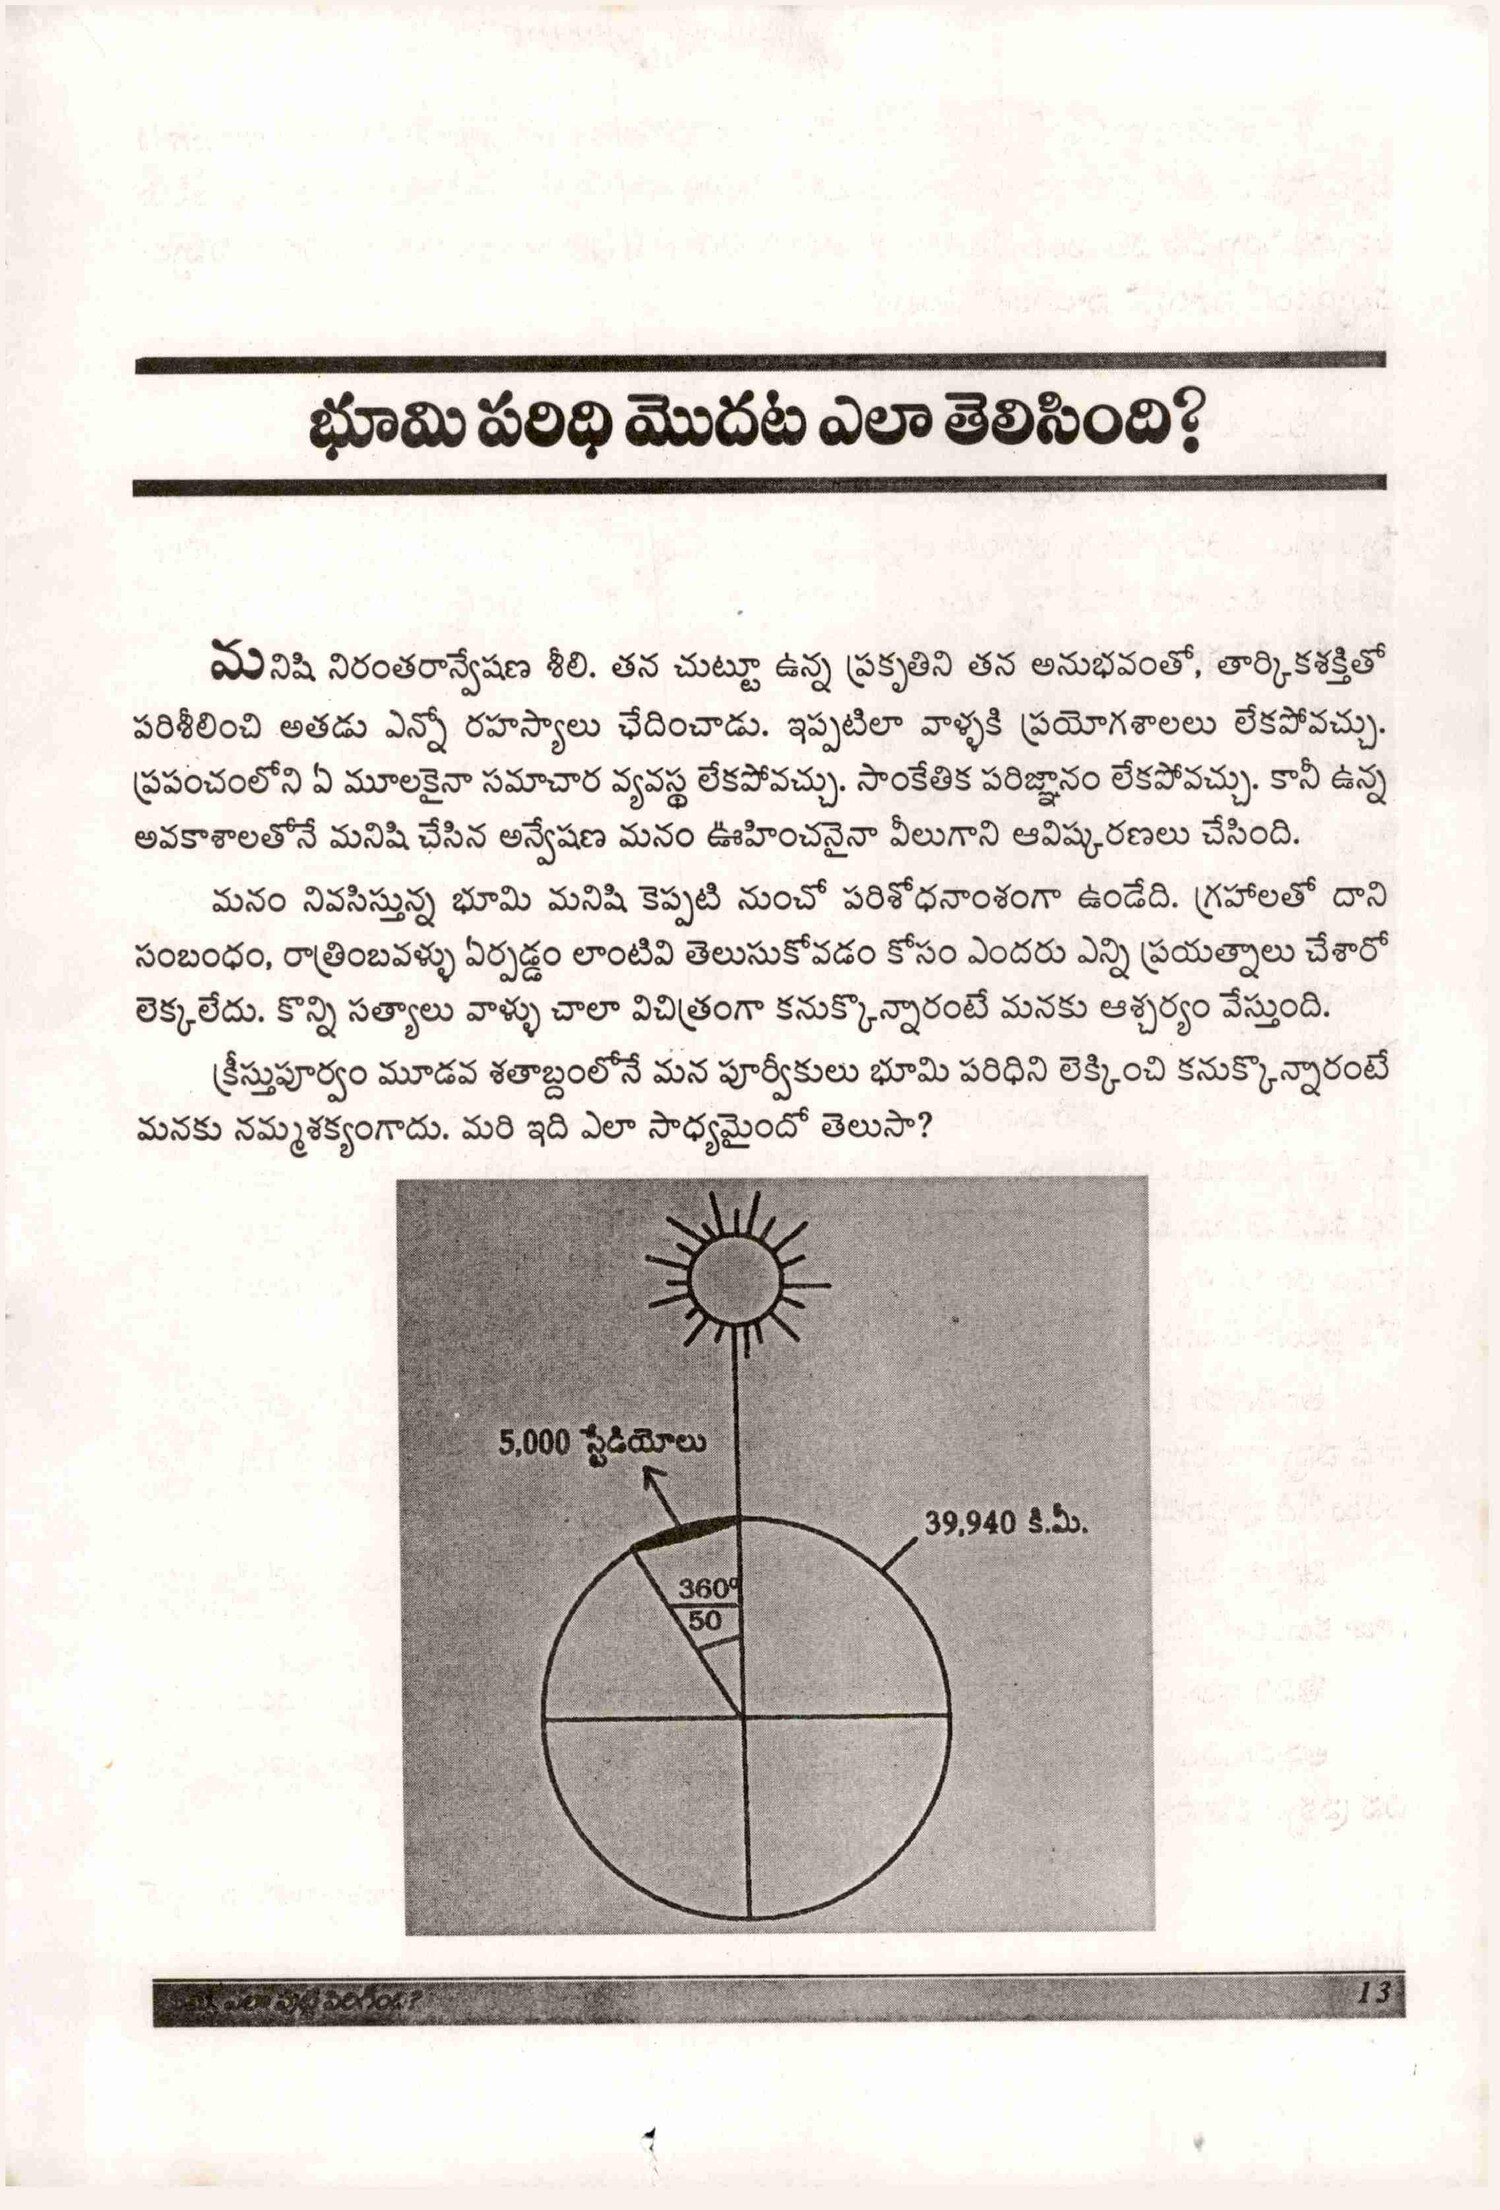భూమి పరిధి మొదట ఎలా తెలిసింది?

మనిషి నిరంతరాన్వేషణ శీలి. తన చుట్టూ ఉన్న ప్రకృతిని తన అనుభవంతో, తార్కికశక్తితో పరిశీలించి అతడు ఎన్నో రహస్యాలు ఛేదించాడు. ఇప్పటిలా వాళ్ళకి ప్రయోగశాలలు లేకపోవచ్చు. ప్రపంచంలోని ఏ మూలకైనా సమాచార వ్యవస్థ లేకపోవచ్చు. సాంకేతిక పరిజ్ఞానం లేకపోవచ్చు. కానీ ఉన్న అవకాశాలతోనే మనిషి చేసిన అన్వేషణ మనం ఊహించనైనా వీలుగాని ఆవిష్కరణలు చేసింది.

మనం నివసిస్తున్న భూమి మనిషి కెప్పటి నుంచో పరిశోధనాంశంగా ఉండేది. గ్రహాలతో దాని సంబంధం, రాత్రింబవళ్ళు ఏర్పడ్డం లాంటివి తెలుసుకోవడం కోసం ఎందరు ఎన్ని ప్రయత్నాలు చేశారో లెక్కలేదు. కొన్ని సత్యాలు వాళ్ళు చాలా విచిత్రంగా కనుక్కొన్నారంటే మనకు ఆశ్చర్యం వేస్తుంది.

క్రీస్తుపూర్వం మూడవ శతాబ్దంలోనే మన పూర్వీకులు భూమి పరిధిని లెక్కించి కనుక్కొన్నారంటే మనకు నమ్మశక్యంగాదు. మరి ఇది ఎలా సాధ్యమైందో తెలుసా?